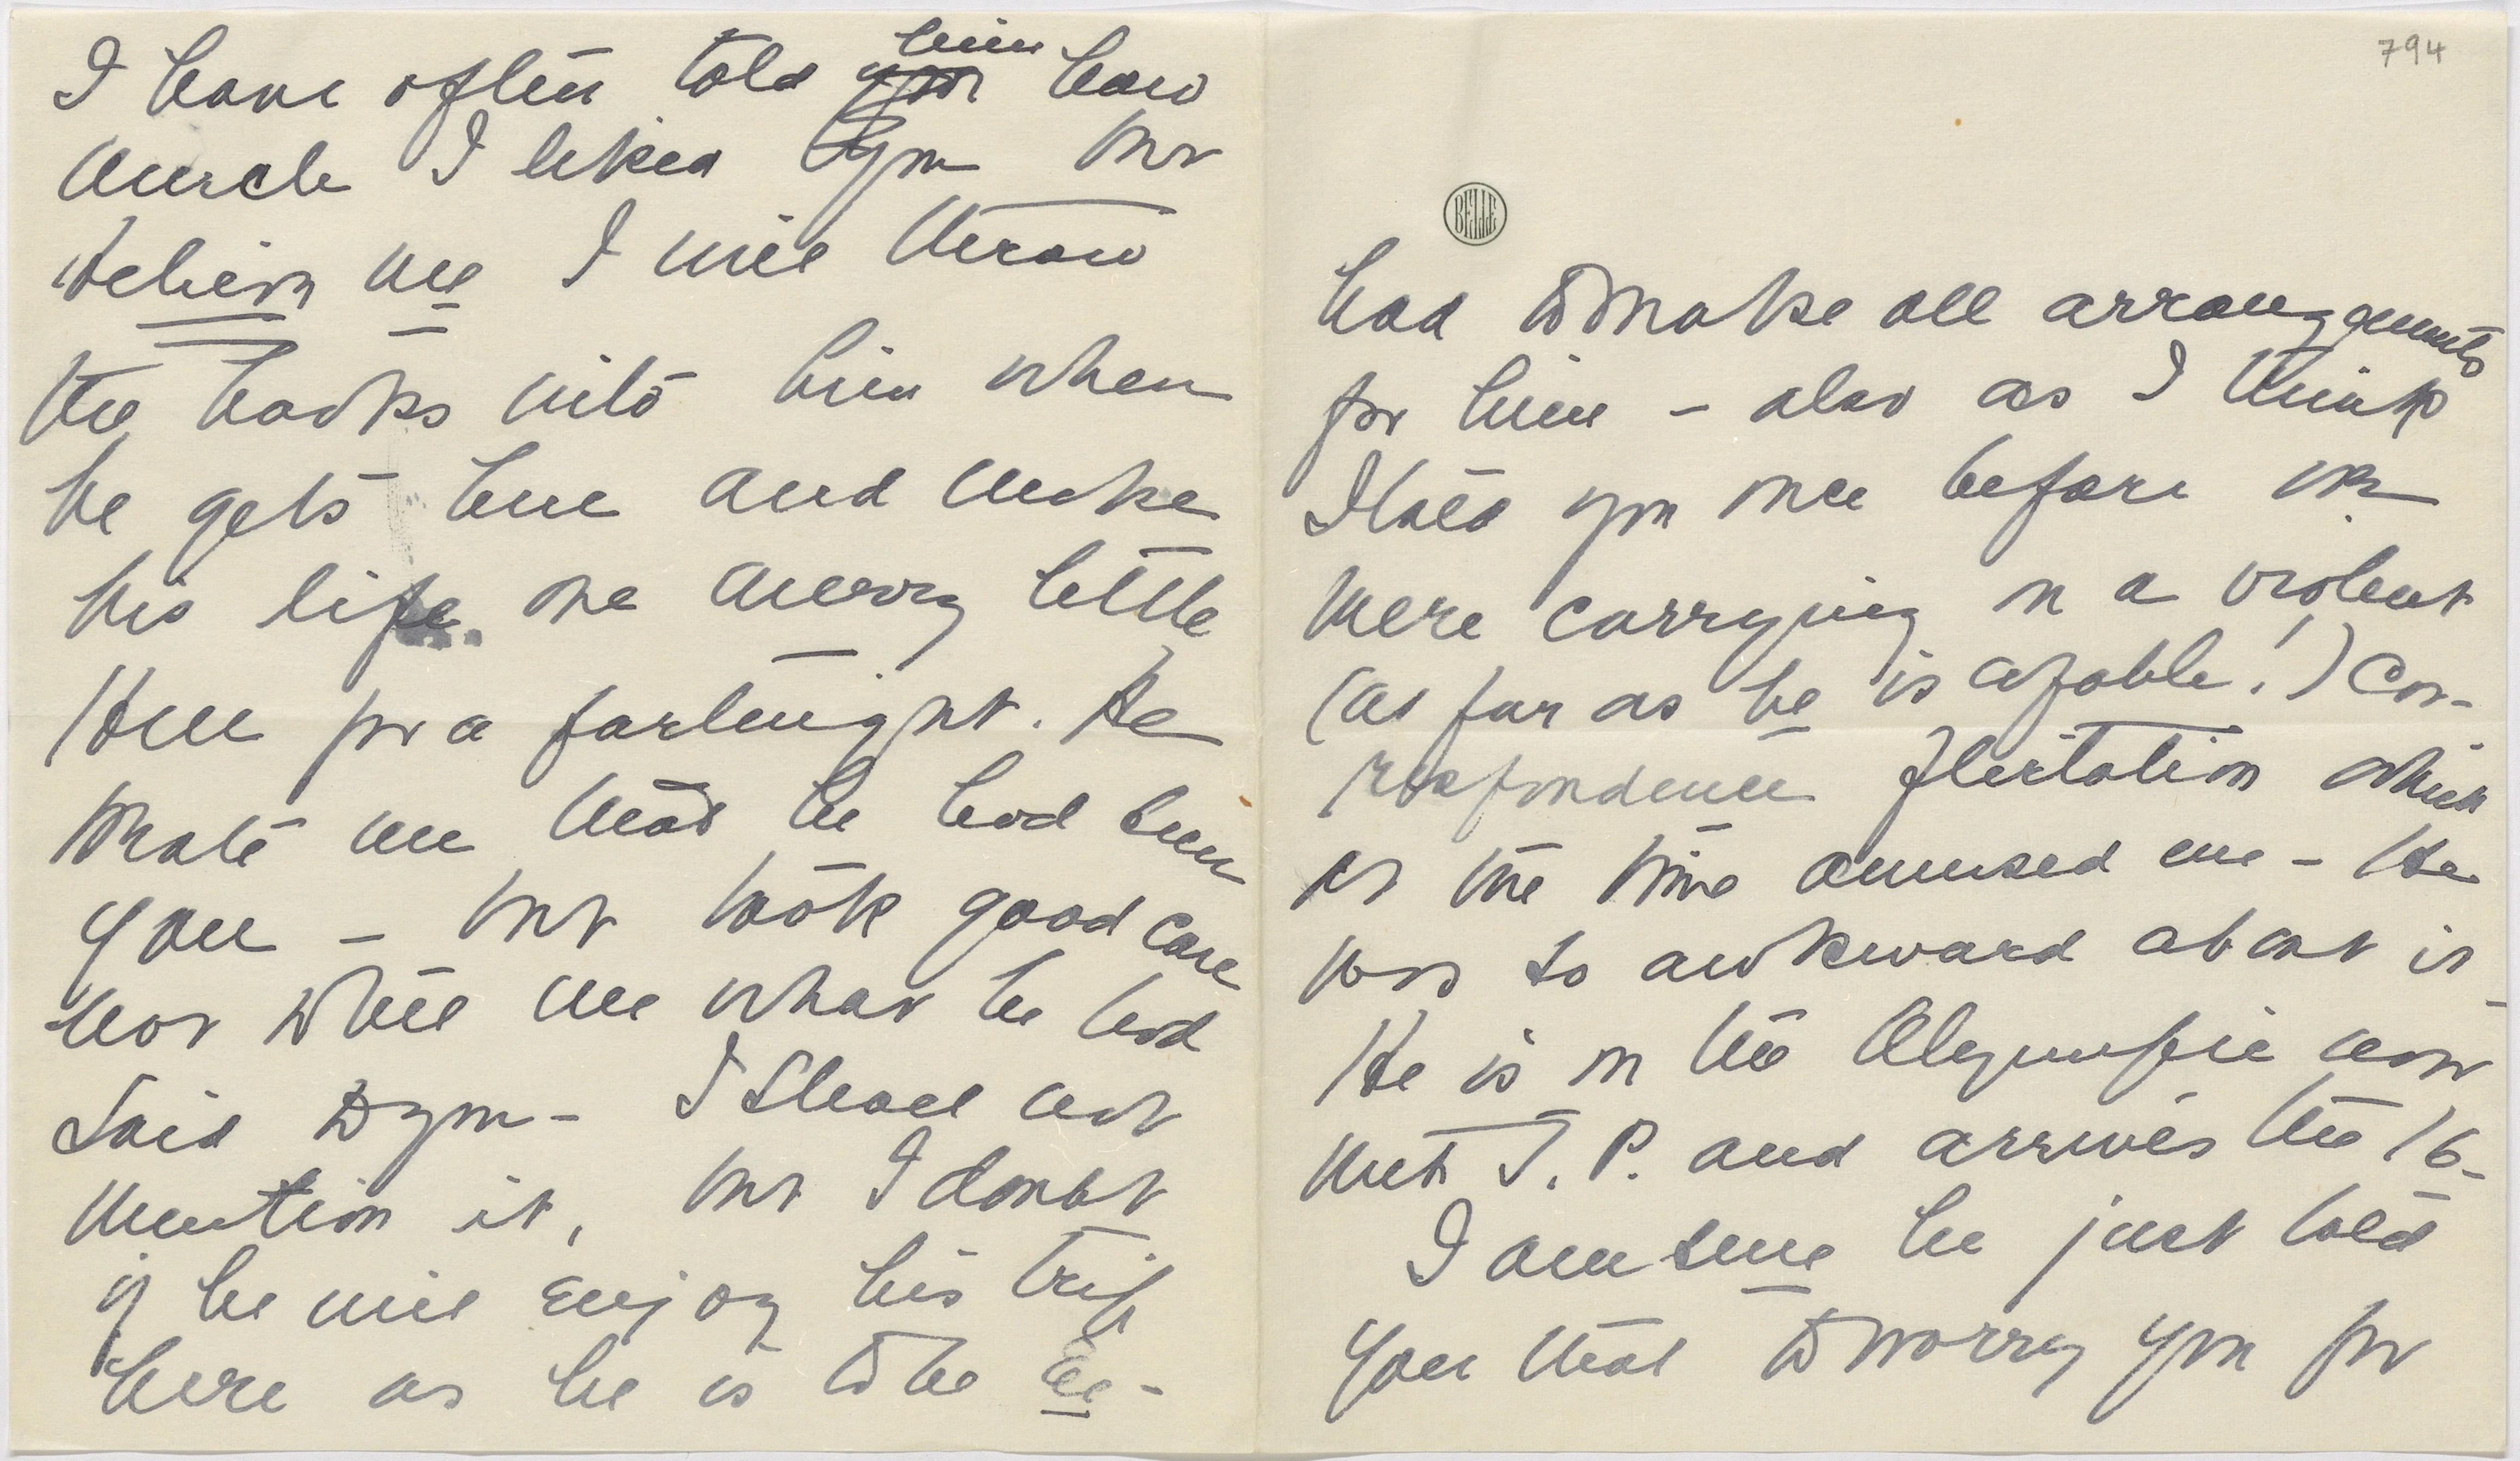had to make all arrangements for him – also as I think I told you once before we were carrying on a violent (as far as he is capable!) correspondence flirtation which at the time amused me – He was so awkward about it – He is on the Olympic now with J. P. and arrives the 16 –
I am sure he just told you that to worry you for
I have often told you [^him^] how much I like you but [double underlined: believe me] I will throw the hooks into him when he gets here and make his life one merry little Hell for a fortnight. He wrote me that he had seen you – but took good care not to tell me what he had said to you – I shall not mention it, but I doubt if he will enjoy his trip here as he is to be entirely